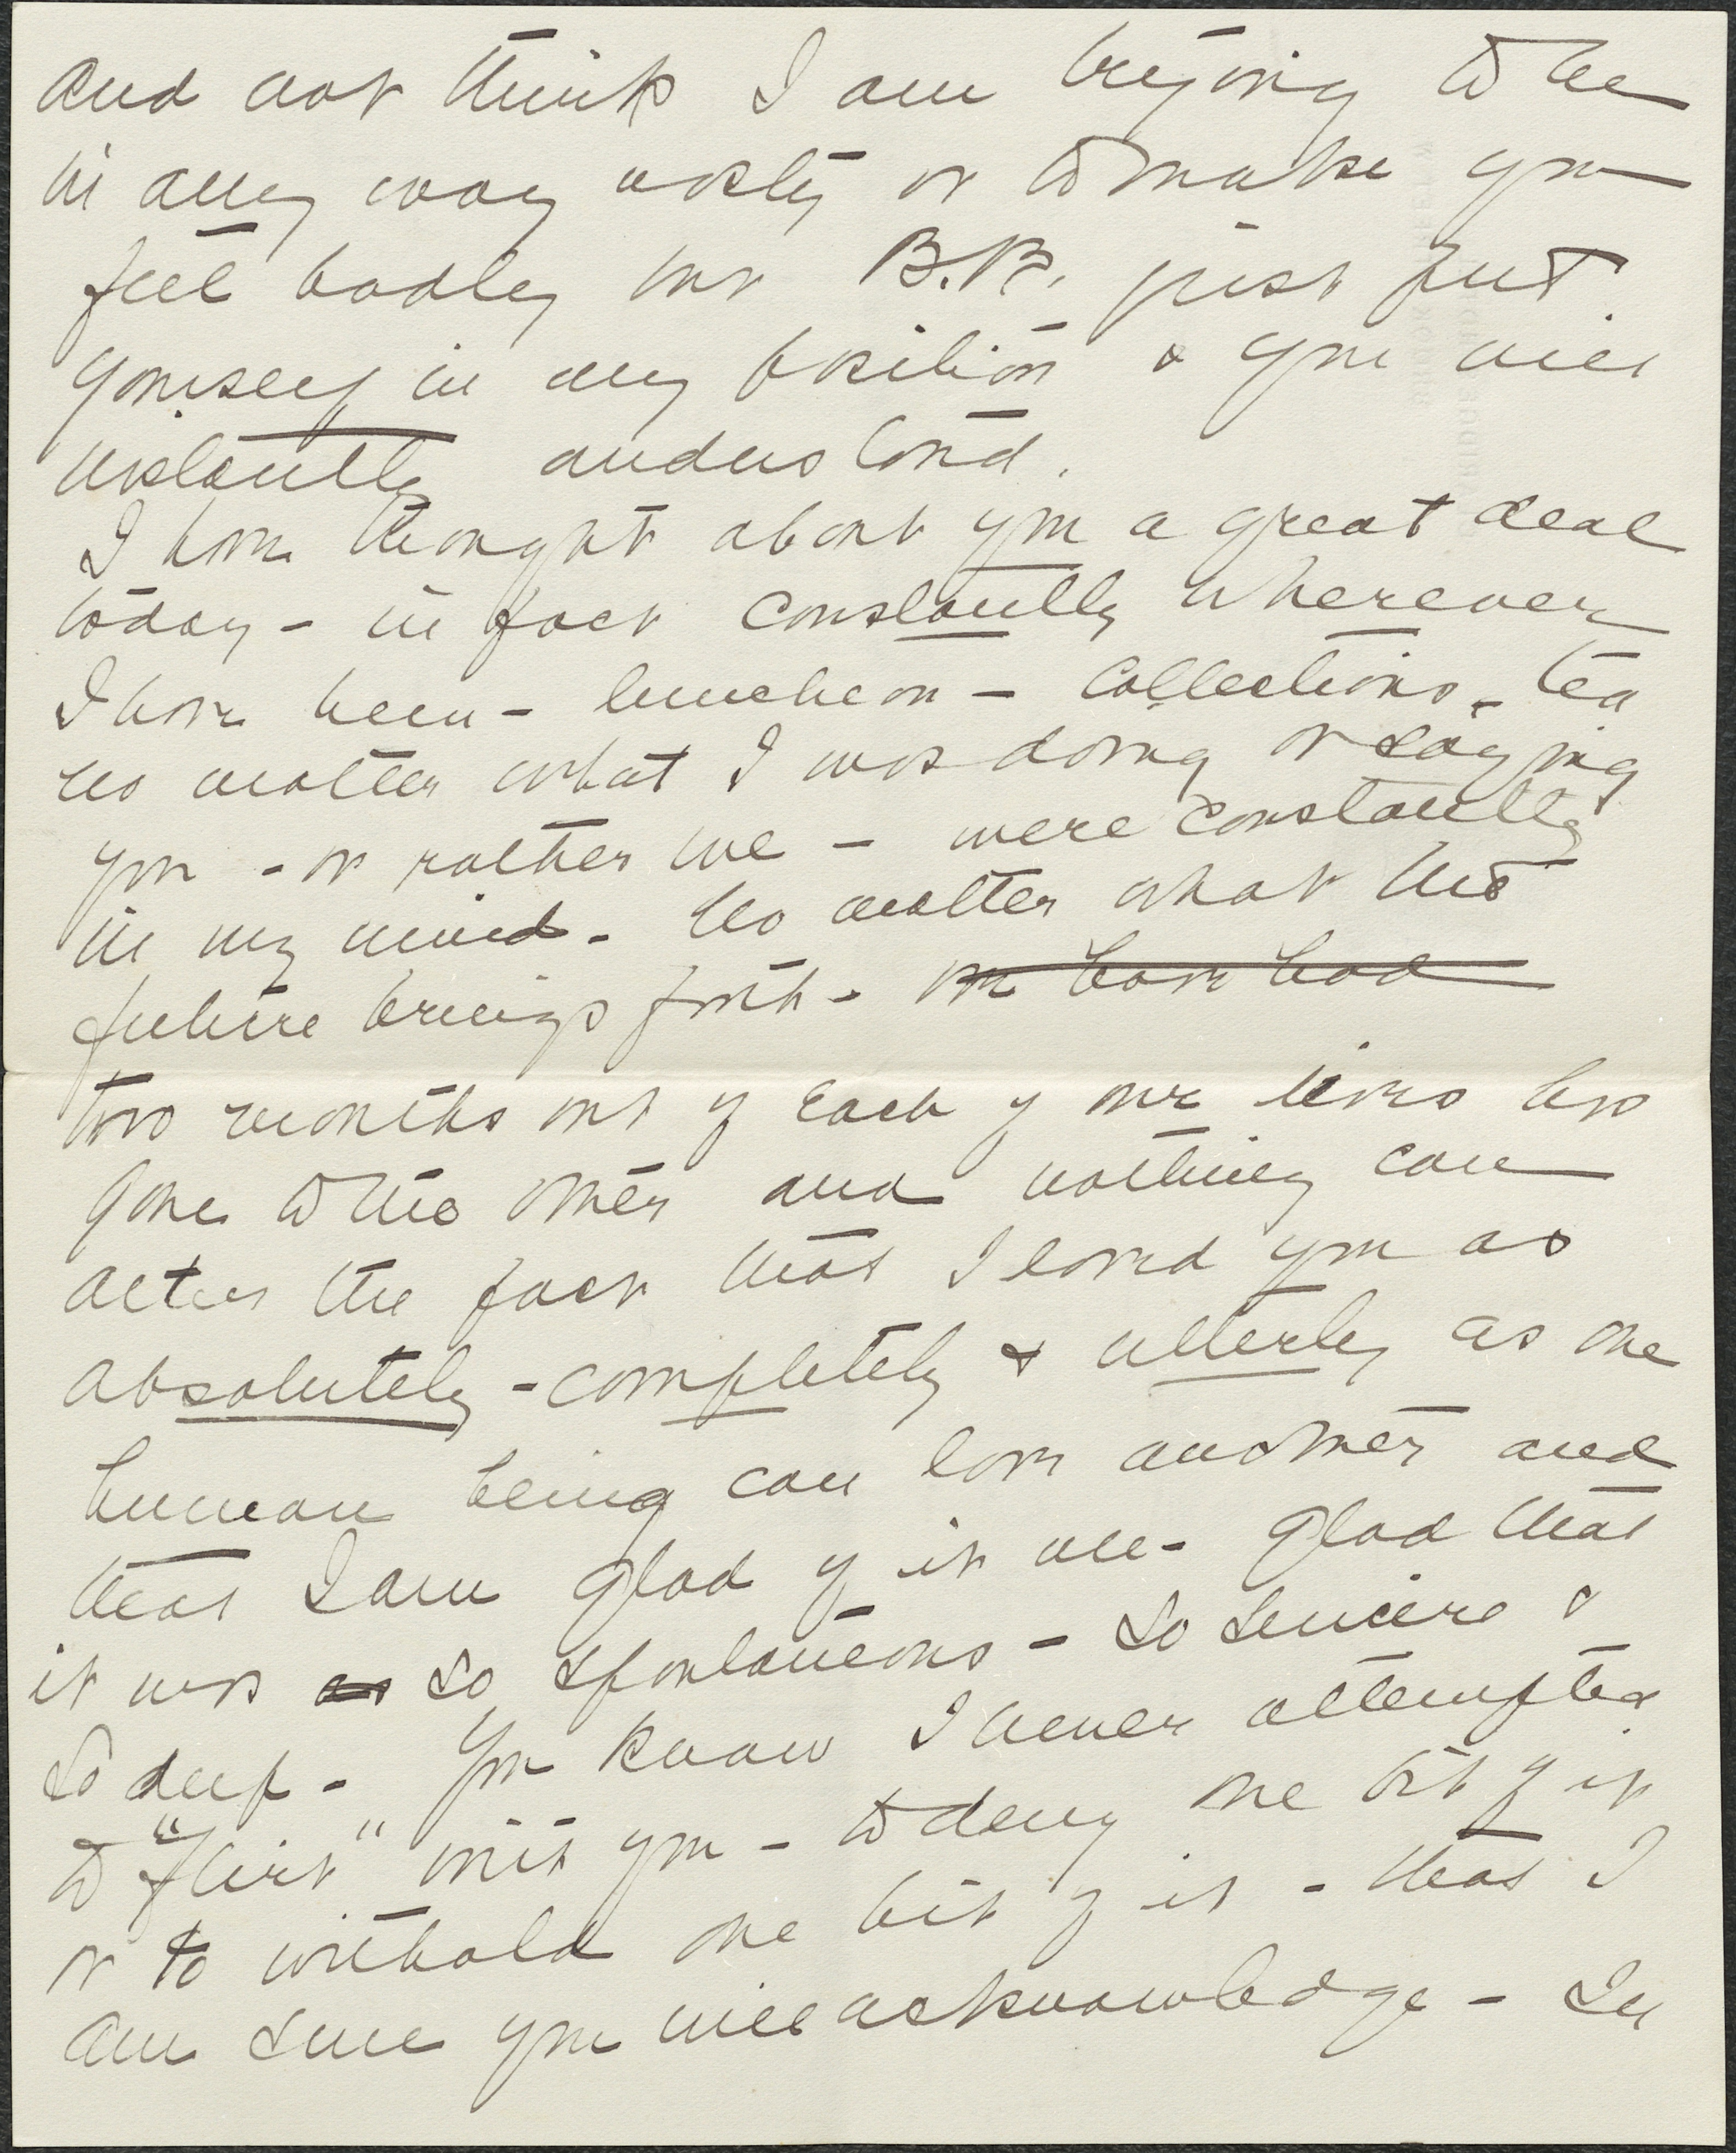and not think I am trying to be in any way nasty or to make you feel badly but B. B. just put yourself in my position & you will instantly understand.
I have thought about you a great deal today – in fact constantly wherever I have been – luncheon – collections – tea no matter what I was doing or saying you – or rather we – were constantly in my mind – No matter what the future brings forth – we have had two months out of each of our lives has gone to the other and nothing can alter the fact that I loved you as absolutely – completely – & utterly as one human being can love another and that I am glad of it all – glad that it was as so spontaneous – so sincere & so deep – You know I never attempted to “Flirt” with you – to deny one but of it or to withhold one bit of it – that I am sure you will acknowledge – In